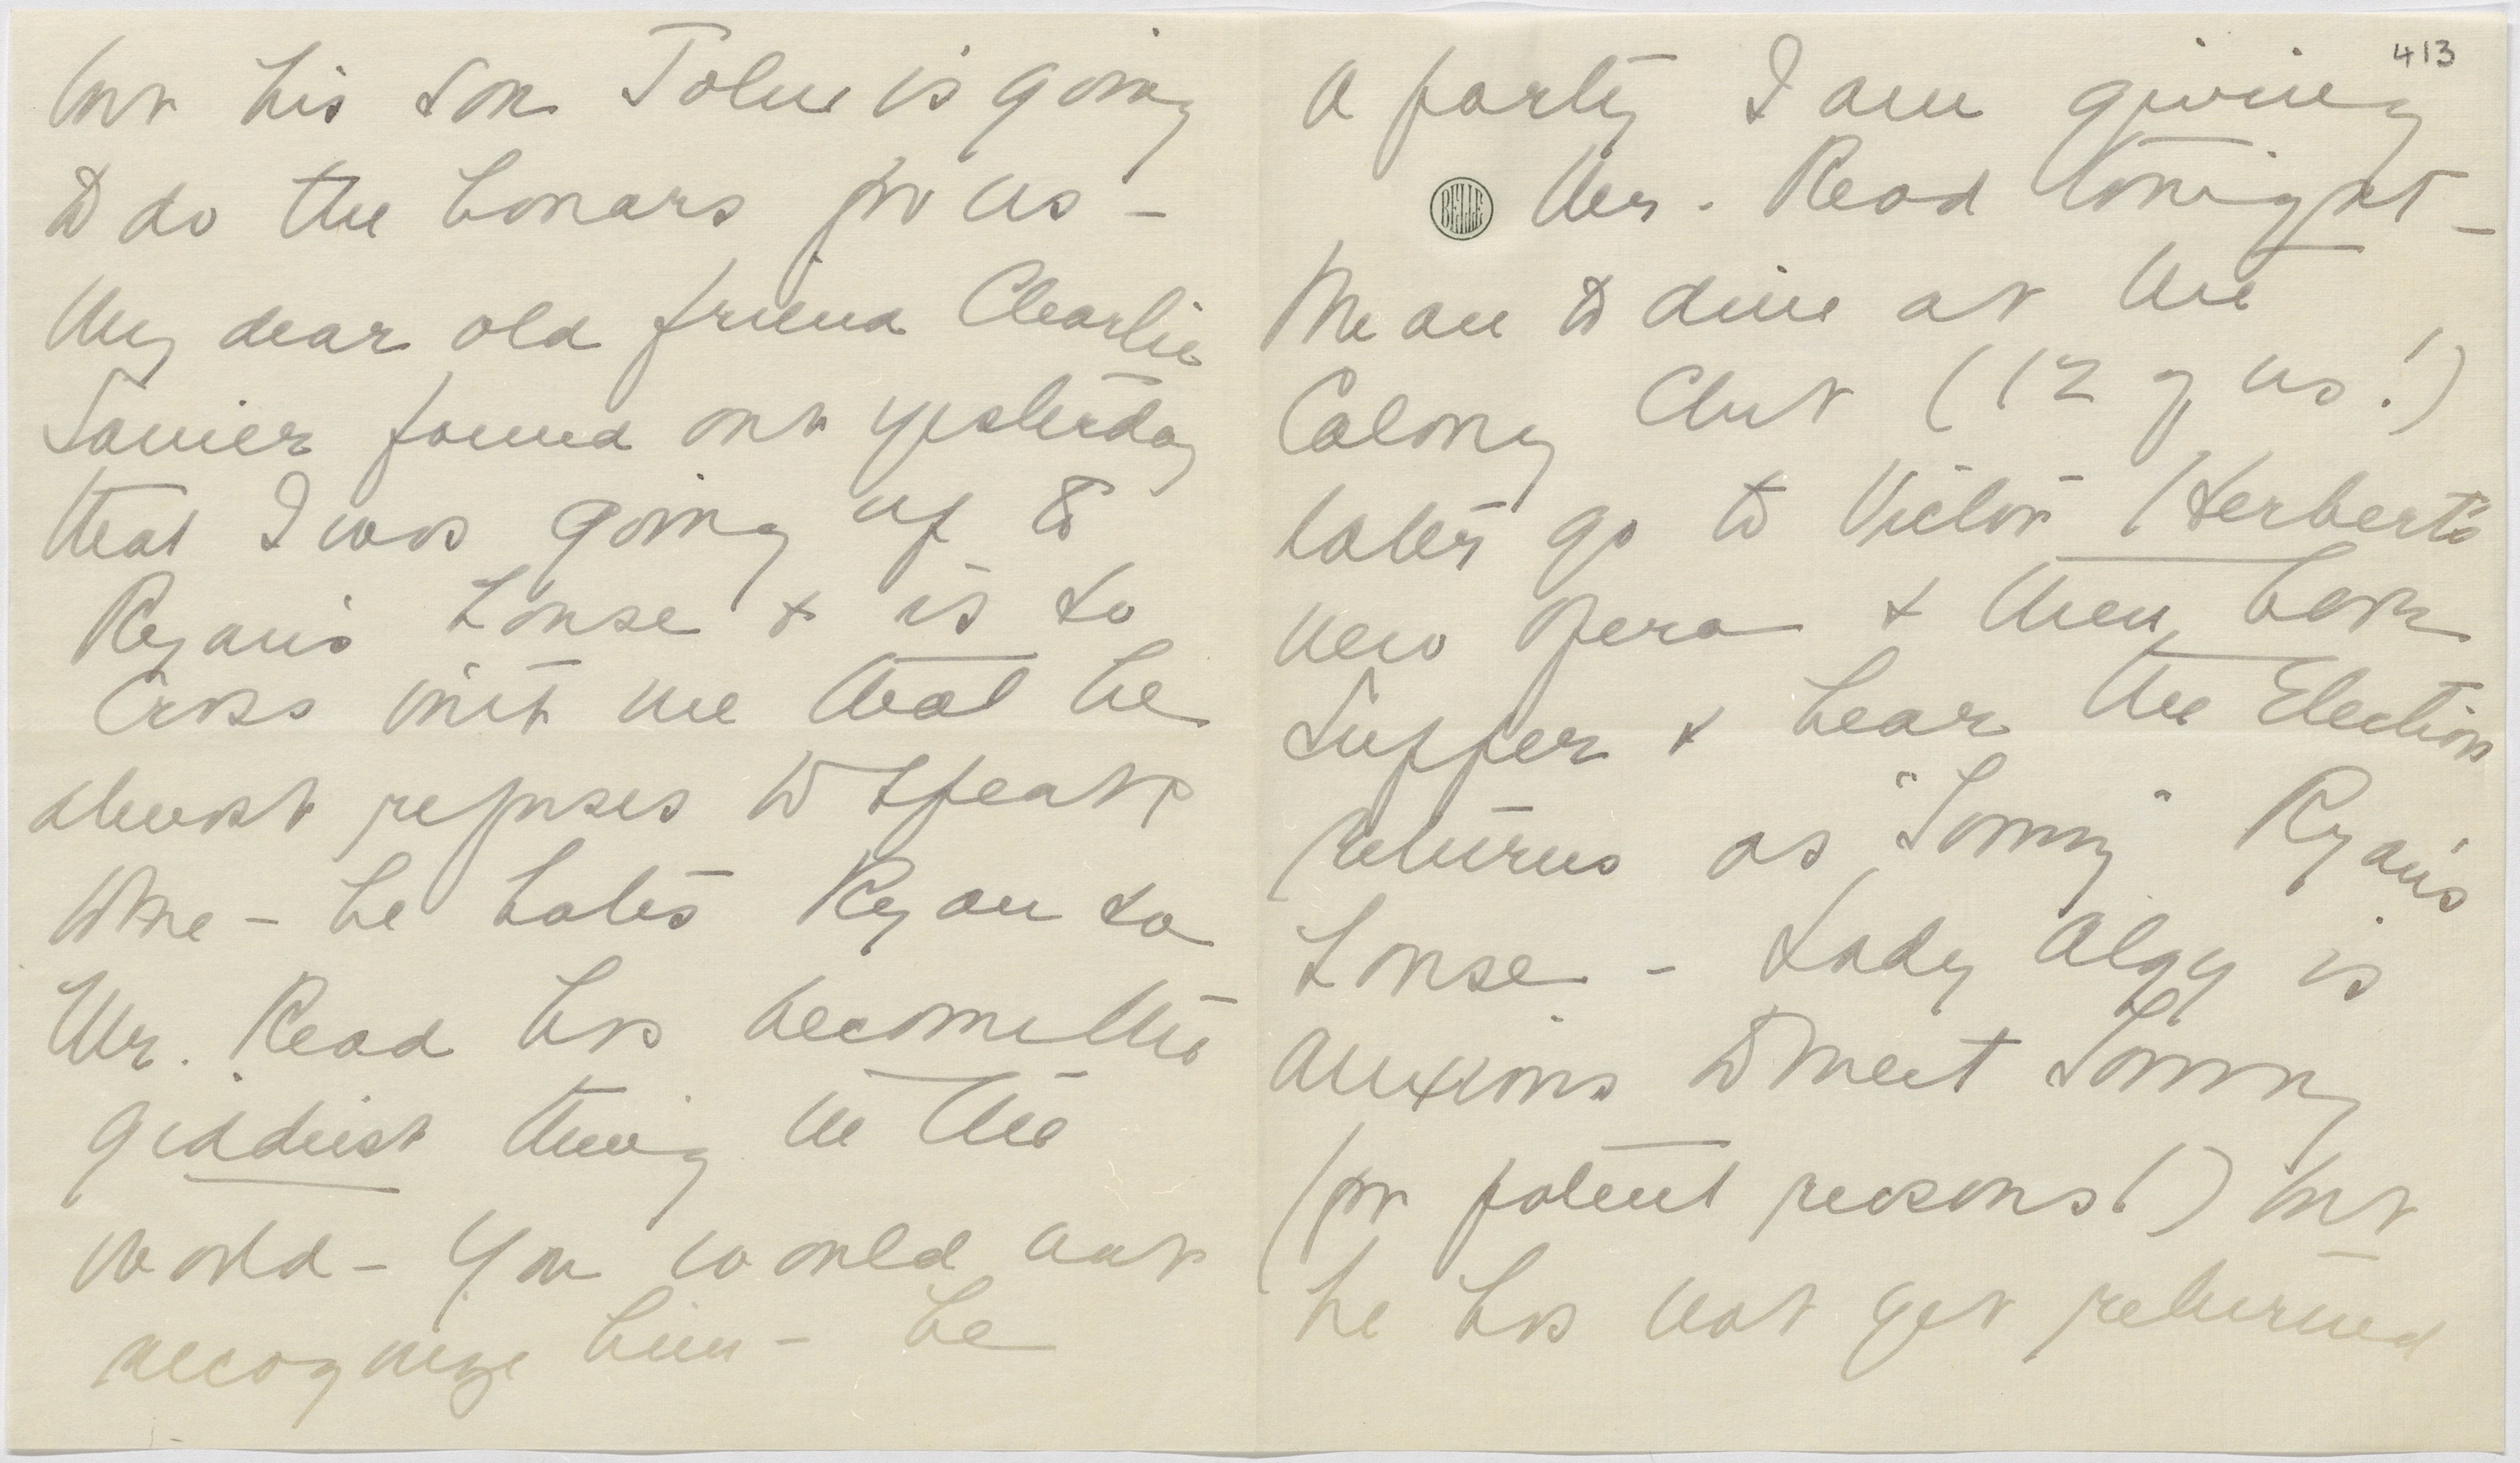a party I am giving Mr. Read tonight – We are to dine at the Colony Club (12 of us!) later go to Victor Herbert’s new opera & then have supper & hear the election returns at “Tommy” Ryan’s house – Lady Algy is anxious to meet Tommy (for patent reasons!) but he has not yet returned
but his son John is going to do the honors for us – My dear old friend Charlie Lanier found out yesterday that I was going up to Ryan’s house & is so cross with me that he almost refuses to speak to me – he hates Ryan so Mr. Read has become the giddiest thing in the world – You would not recognize him – he